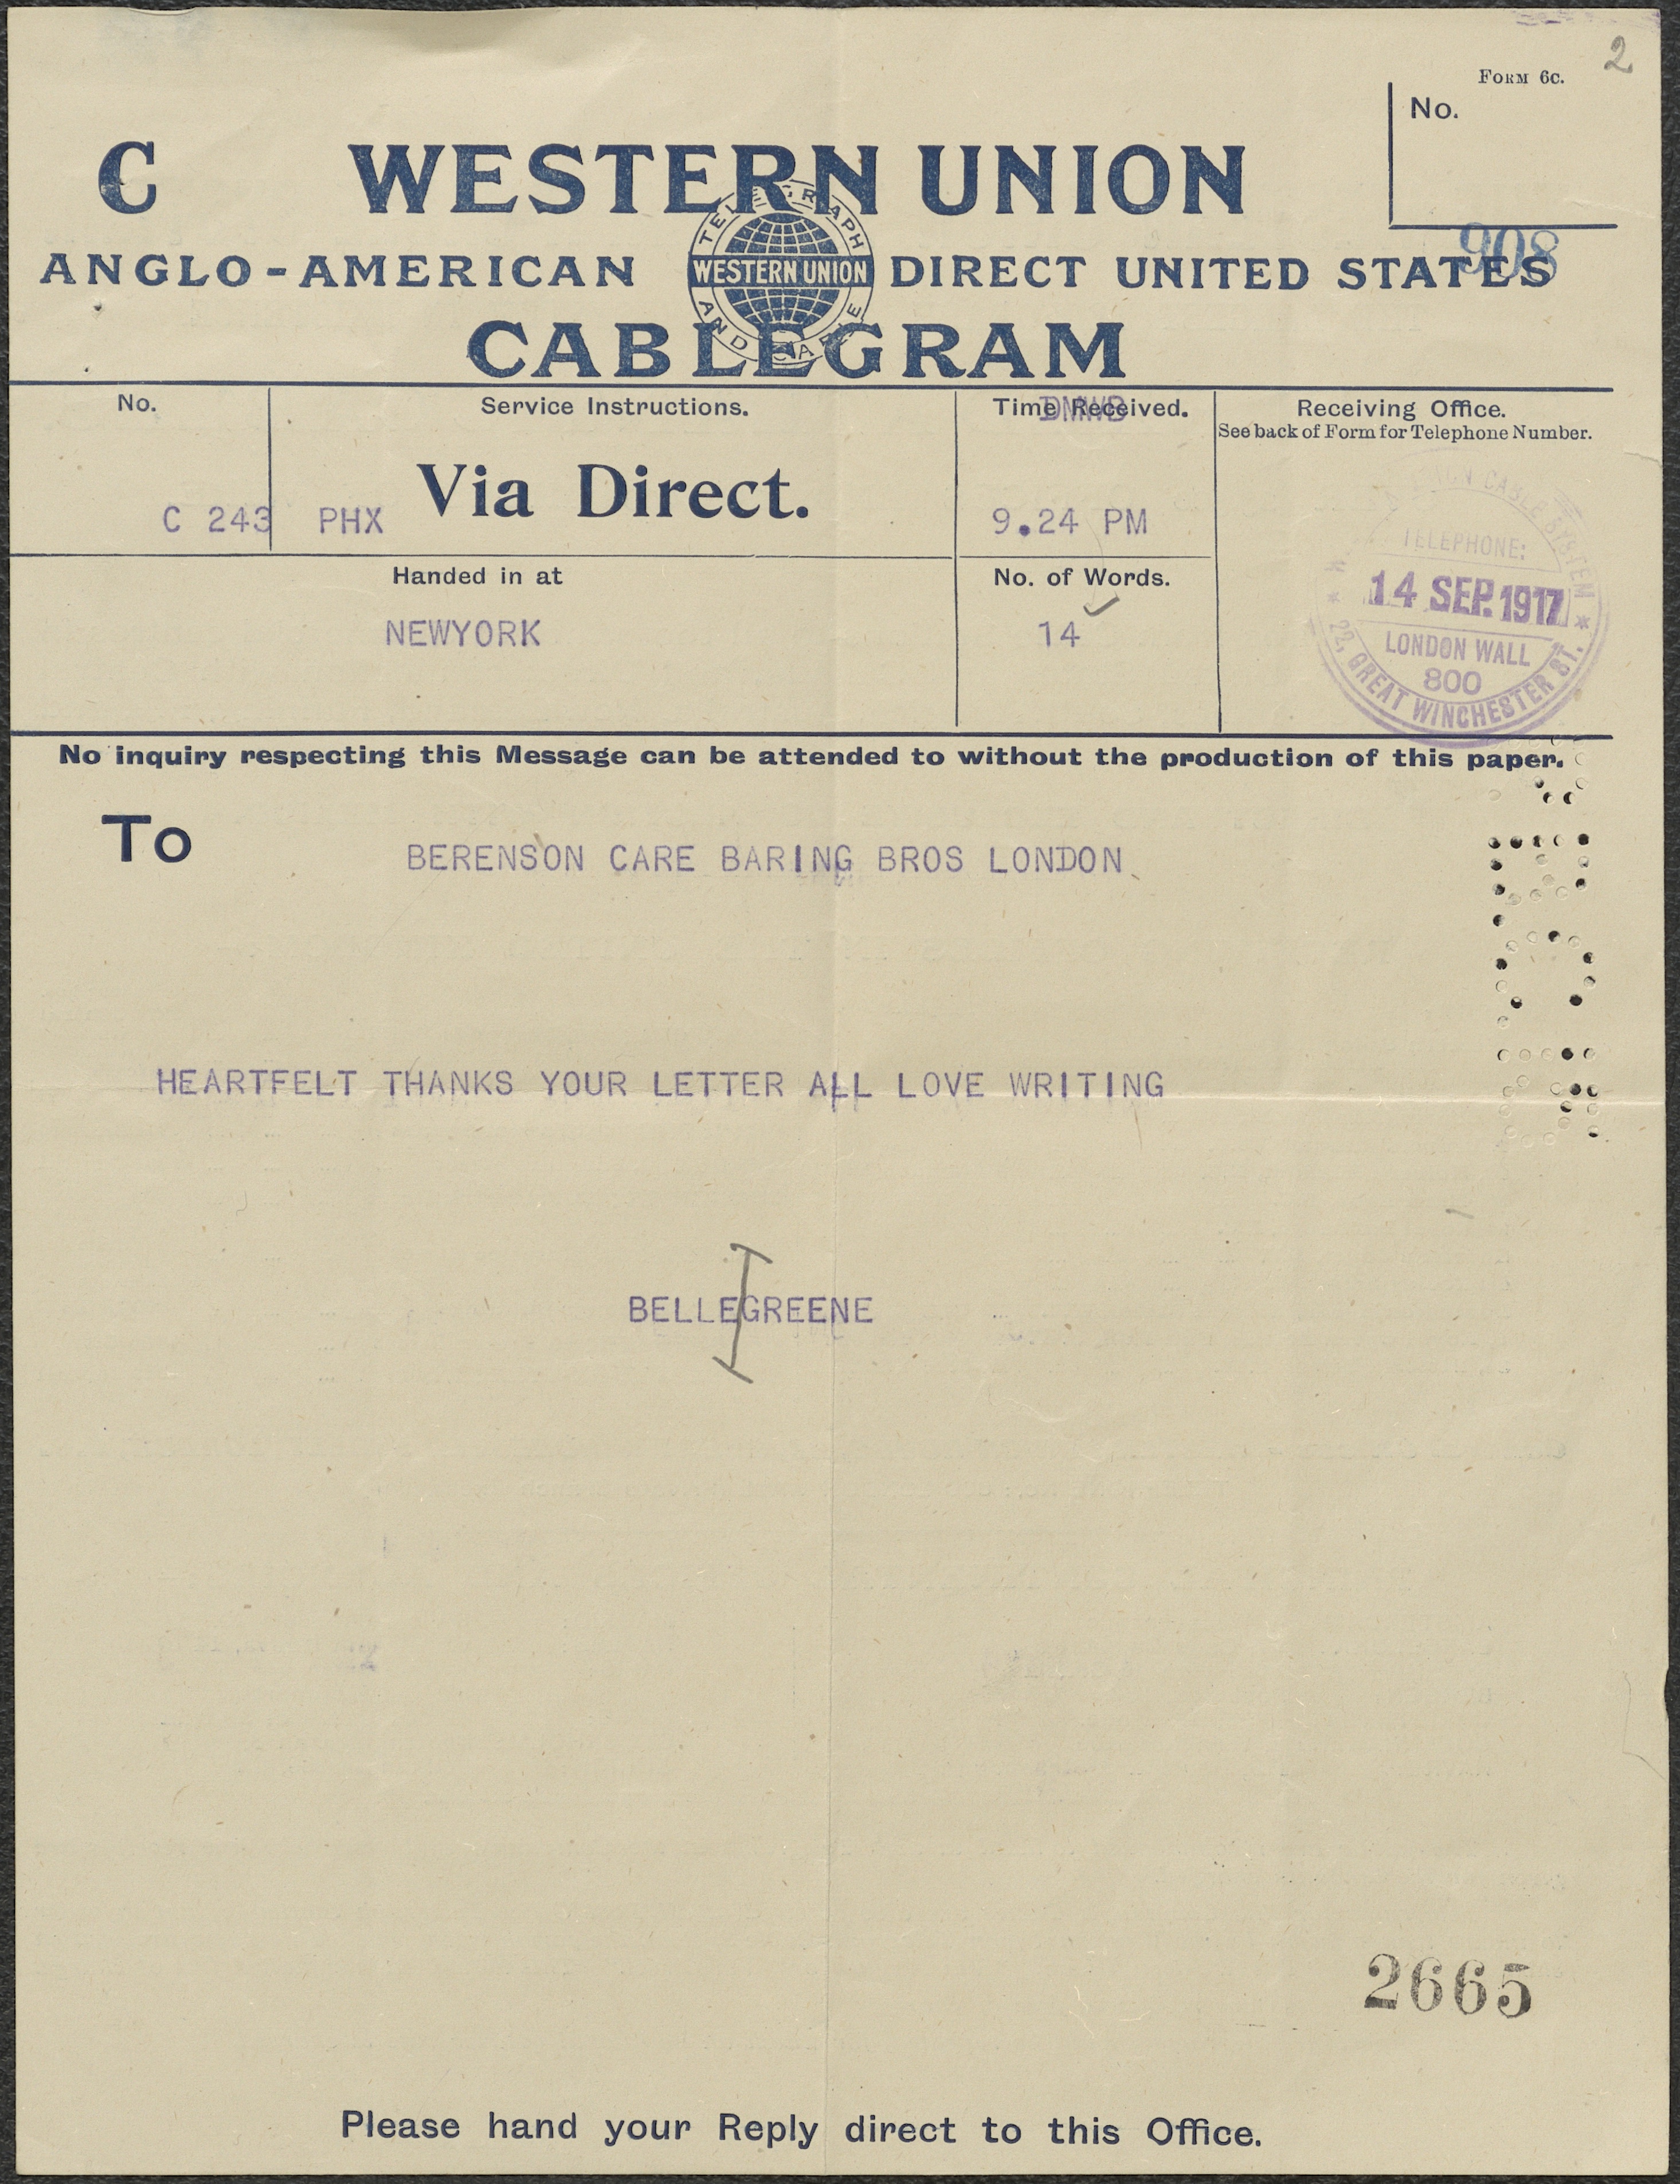BERENSON CARE BARING BROS LONDON
HEARTFELT THANKS FOR YOUR LETTER ALL LOVE WRITING
BELLEGREENE